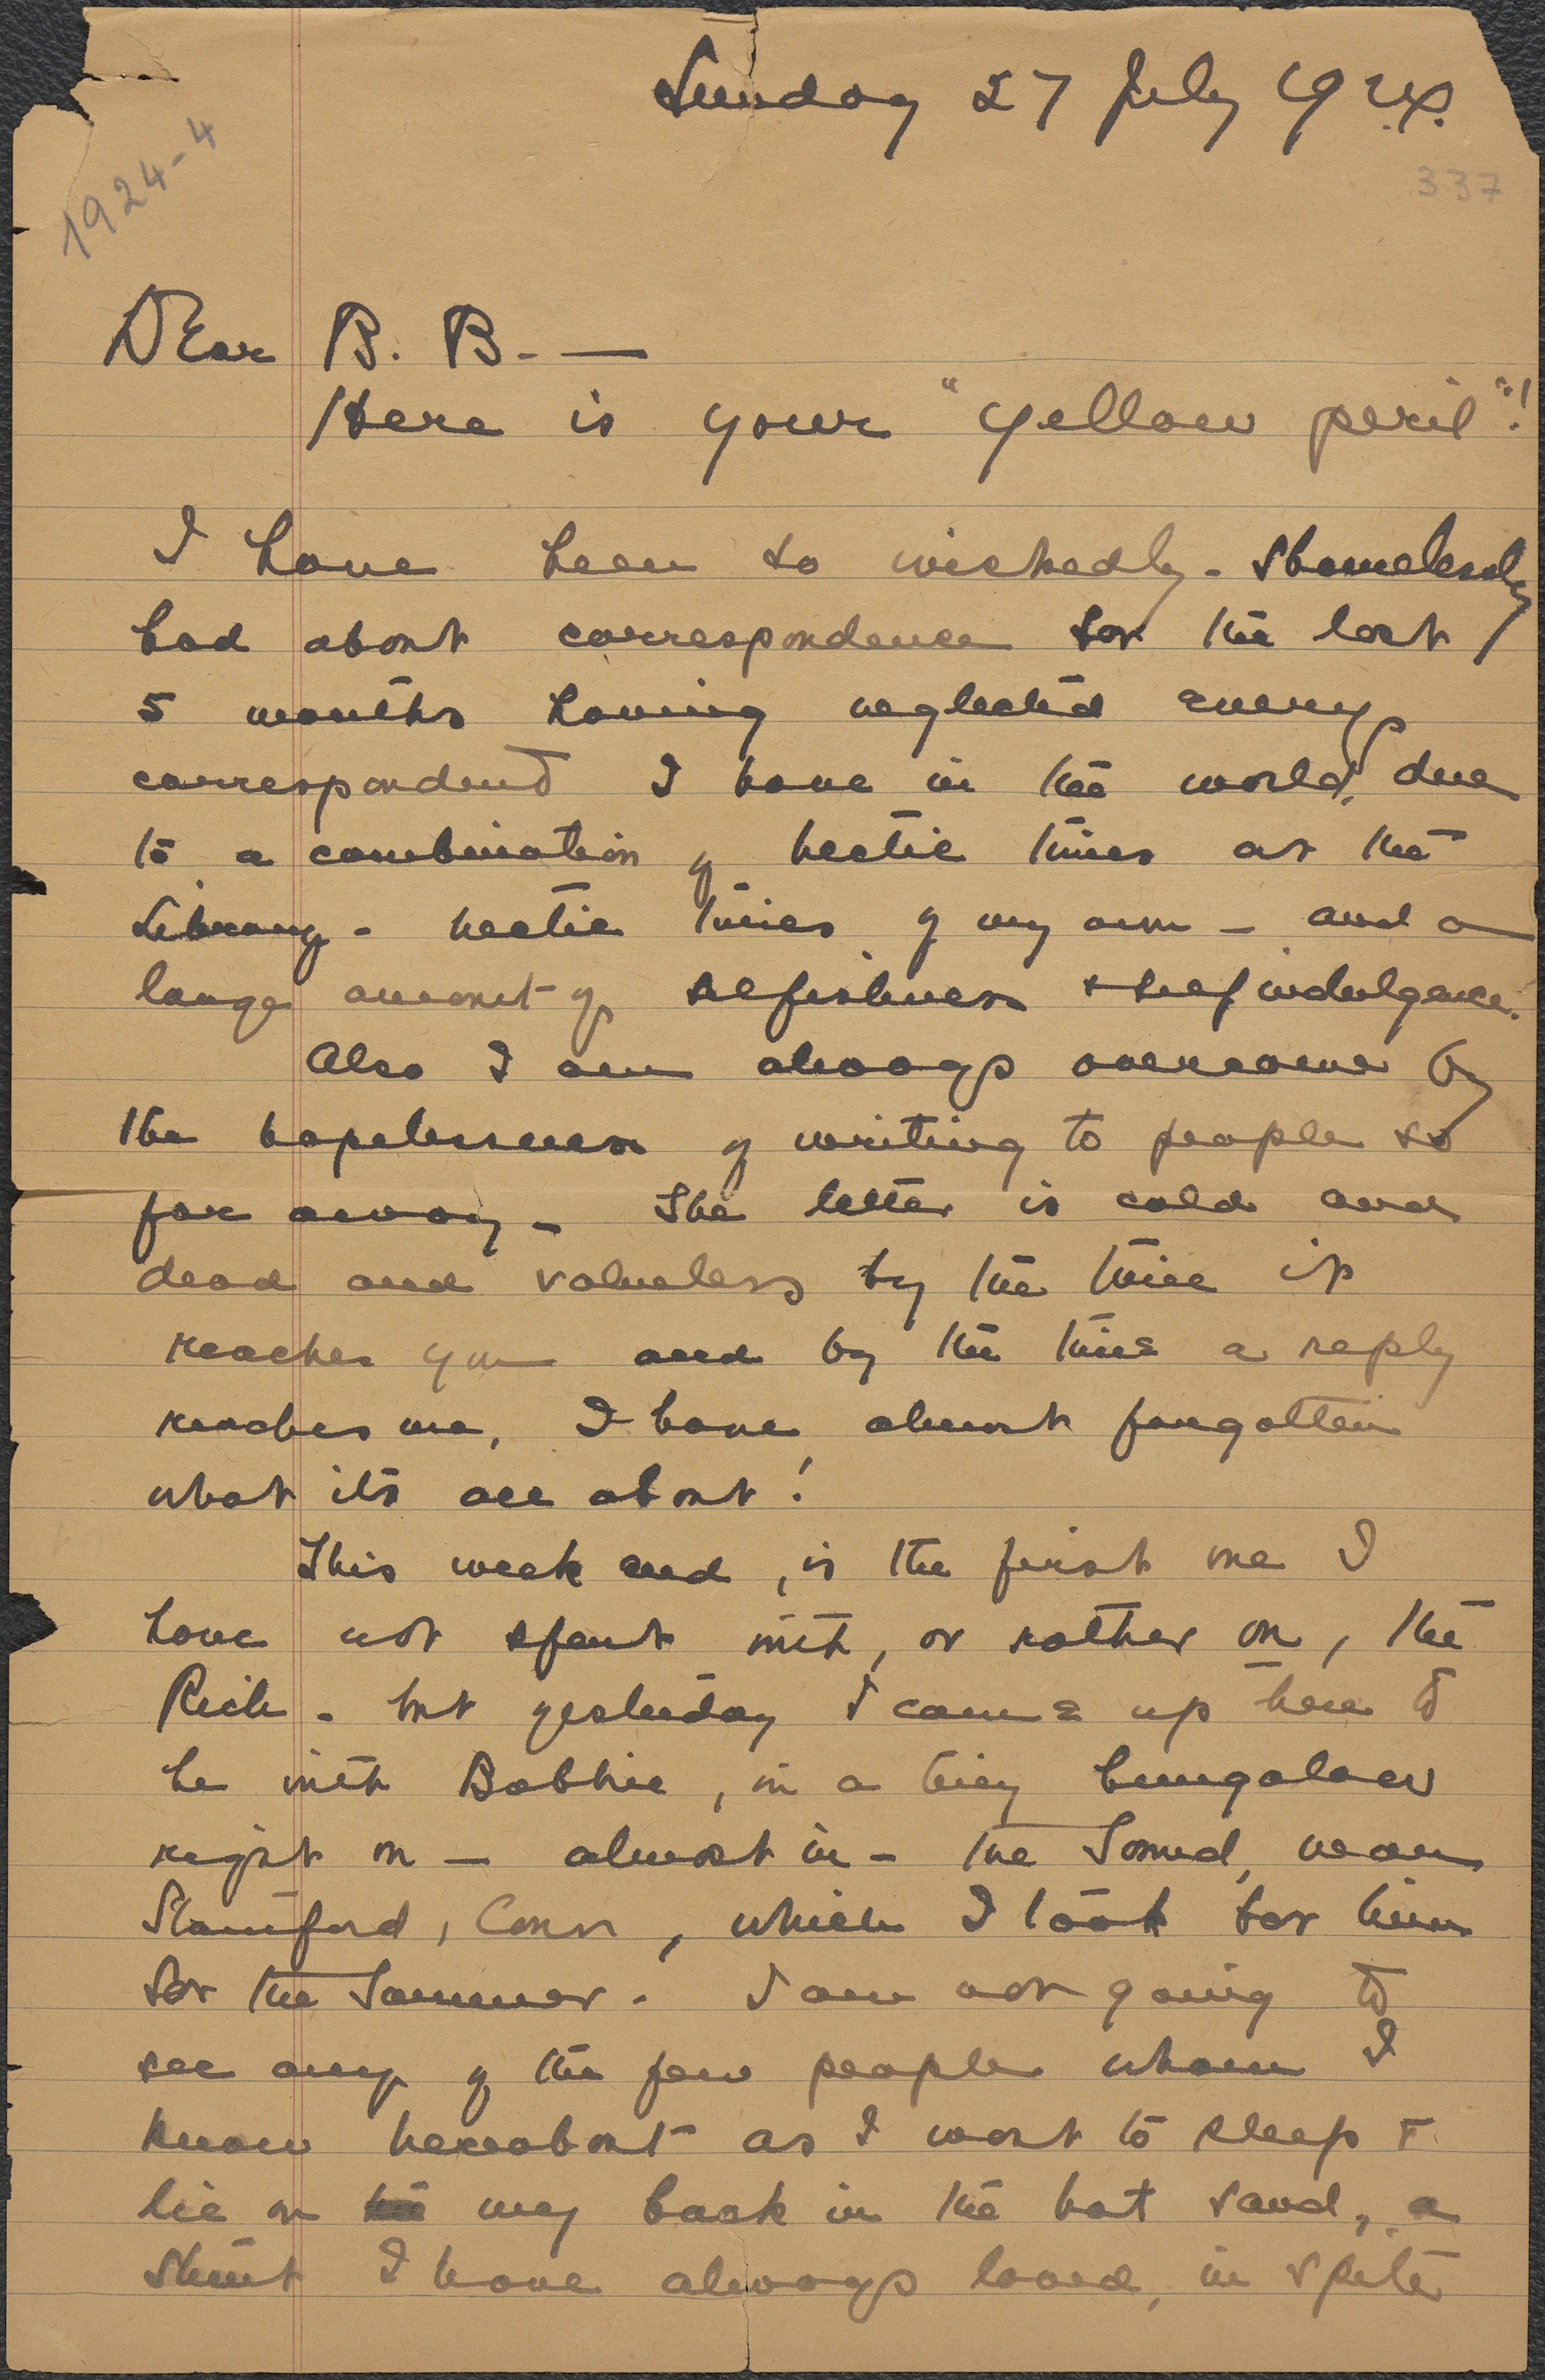Sunday 27 July 1924
Dear B.B.–
Here is your "yellow peril"!
I have been so wickedly – shamelessly bad about correspondence for the last 5 months having neglected every correspondent I have in the world, due to a combination of hectic times at the Library – hectic times of my own – and a large amount of selfishness & self indulgence.
Also I am always overcome by the hopelessness of writing to people so far away – The letter is cold and dead and valueless by the time it reaches you and by the time a reply reaches me, I have almost forgotten what it's all about!
This week end, is the first one I have not spent with, or rather on, the Rich, but yesterday I came up here to be with Bobbie, in a tiny bungalow right on – almost in – the Sound, near Stamford, Conn, which I took for him for the summer. I am not going to see any of the few people whom I know hereabout as I want to sleep & lie on the my back in the hot sand, a stunt I have always loved, in spite